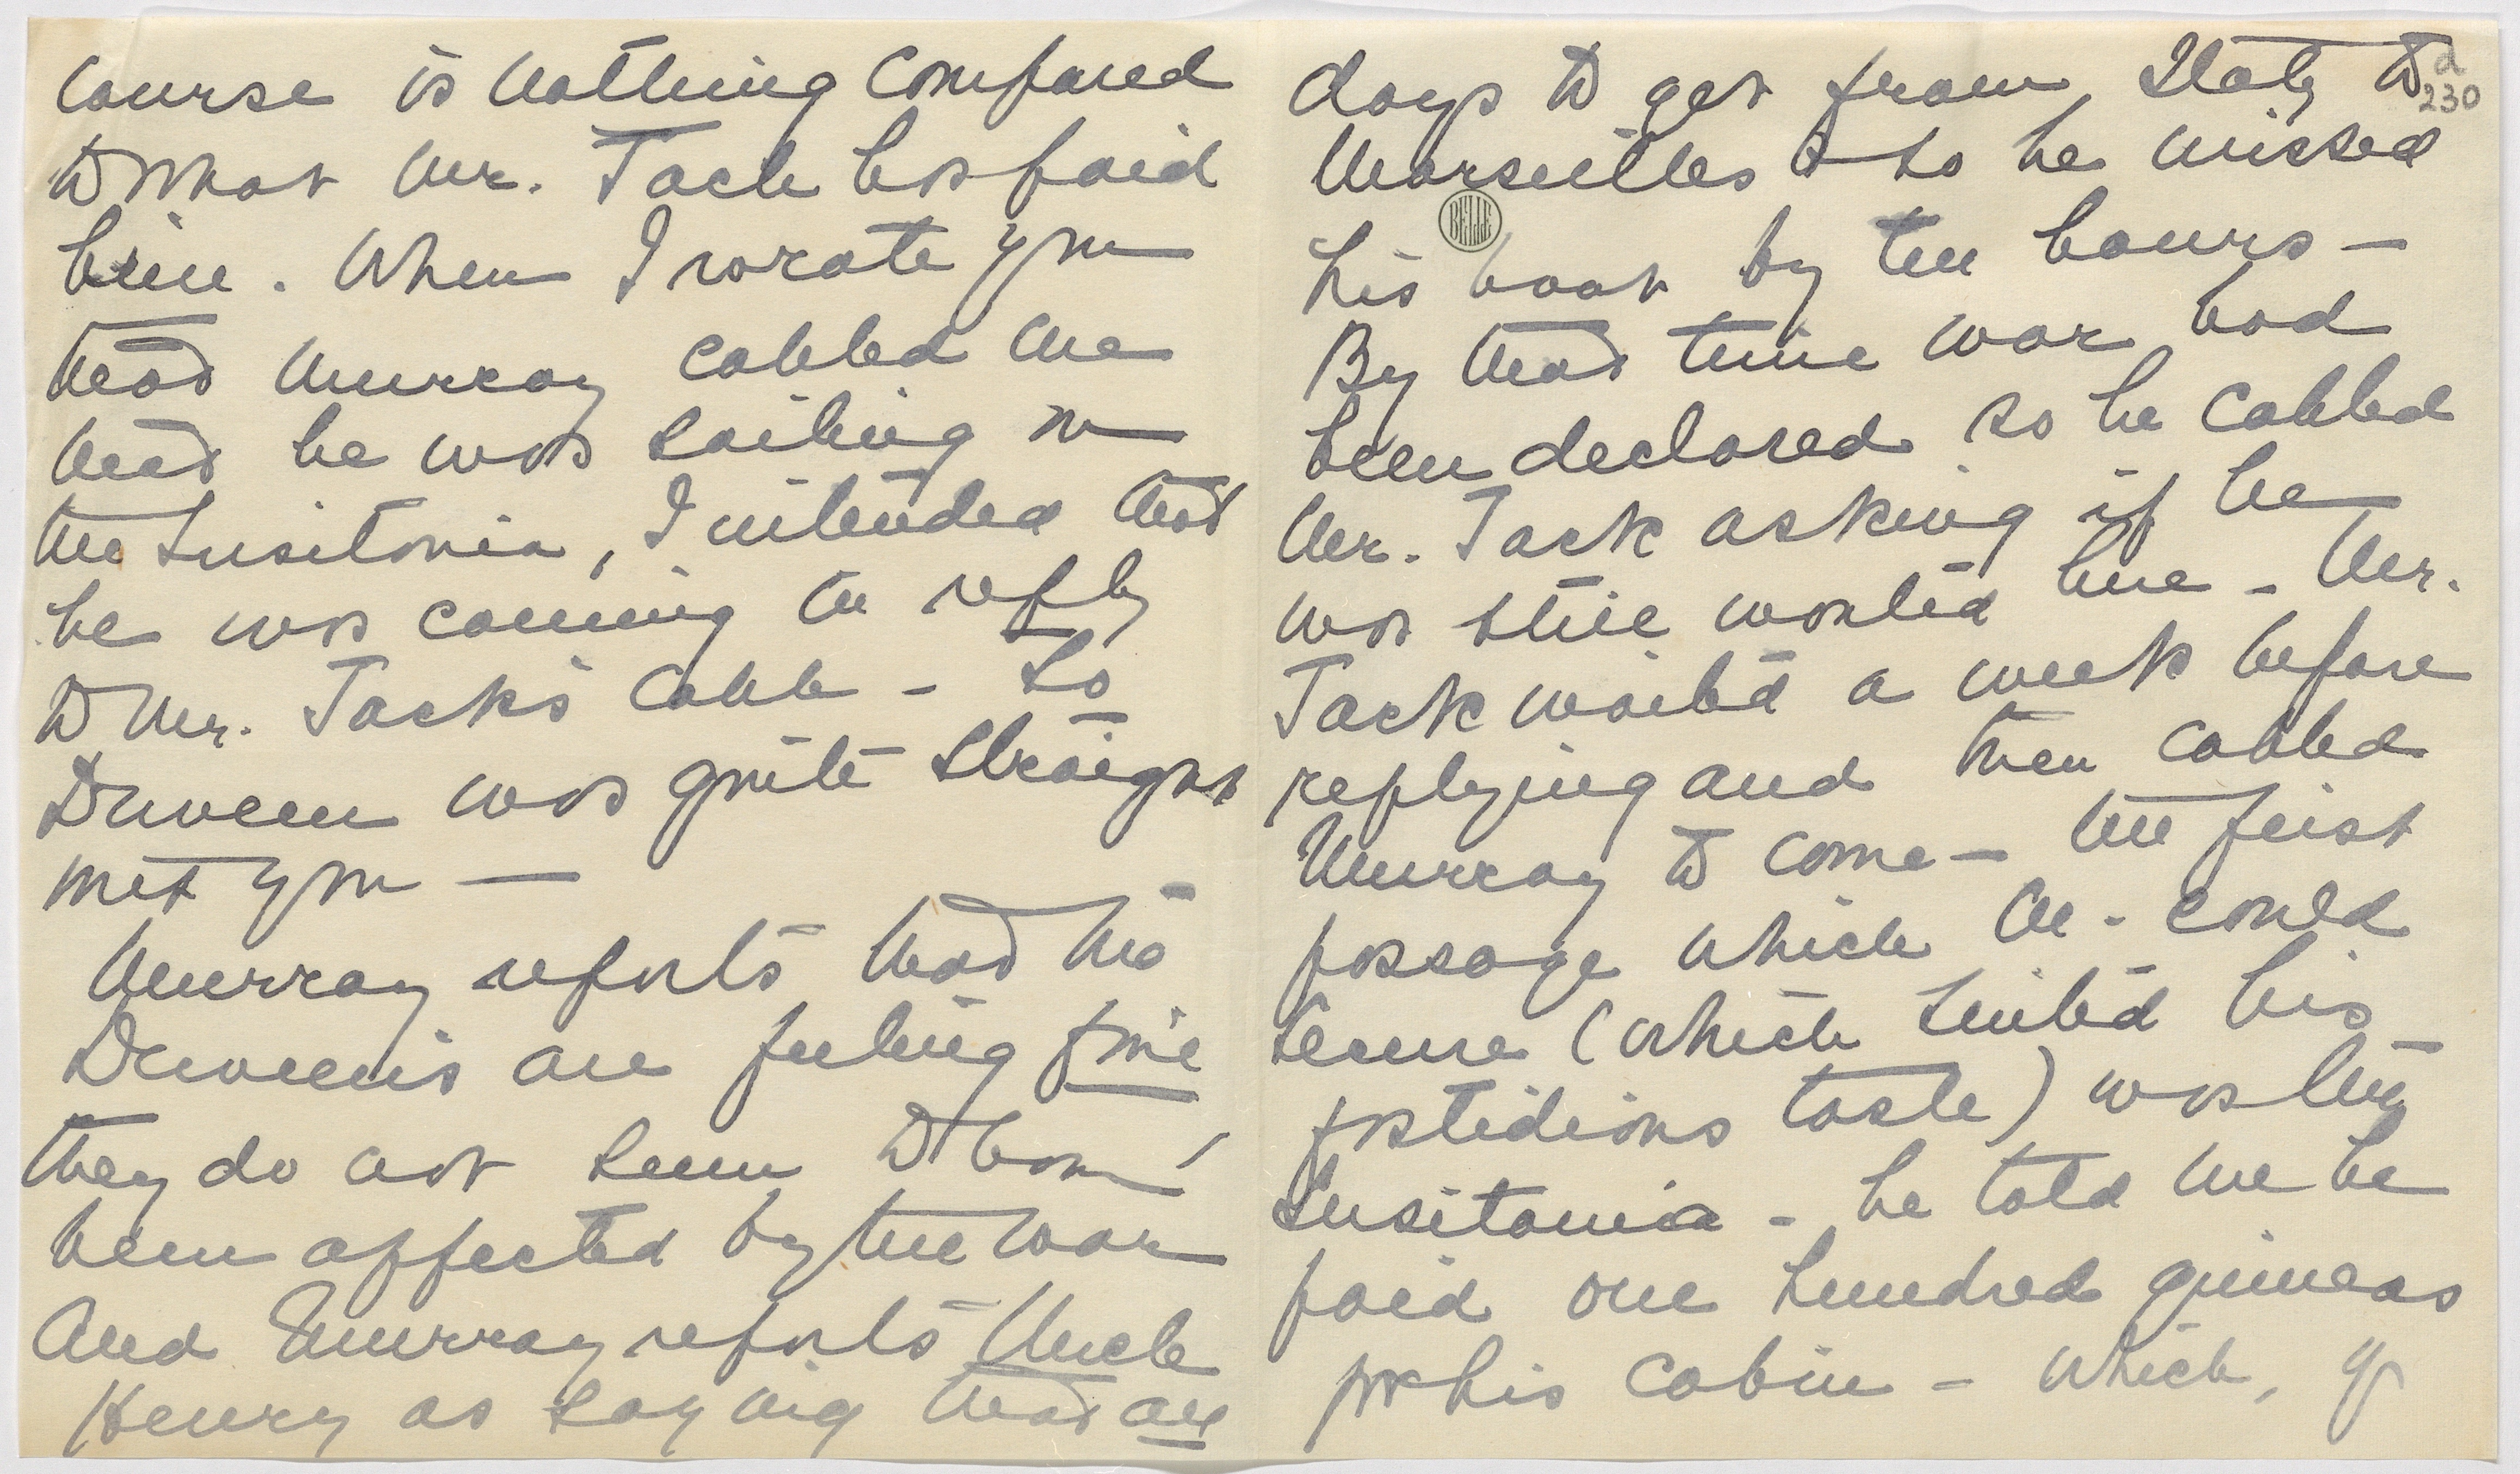days to get from Italy to Marseilles & so he missed his boat by ten hours – By that time war had been declared so he cabled Mr. Jack asking if he was still wanted here – Mr. Jack waited a week before replying and then cabled Murray to come – the first passage which M. could secure (which suited his fastidious taste) was the Lusitania – he told me he paid one hundred guineas for his cabin – which, of
course is nothing compared to what Mr. Jack has paid him. When I wrote to you that Murray cabled me that he was sailing on the Lusitania, I intended that he was coming in reply to Mr. Jack’s cable – so Duveen was quite staring with you –
Murray reports that the Duveens are feeling fine they do not seem to have been affected by the war and Murray reports Uncle Henry as saying that all